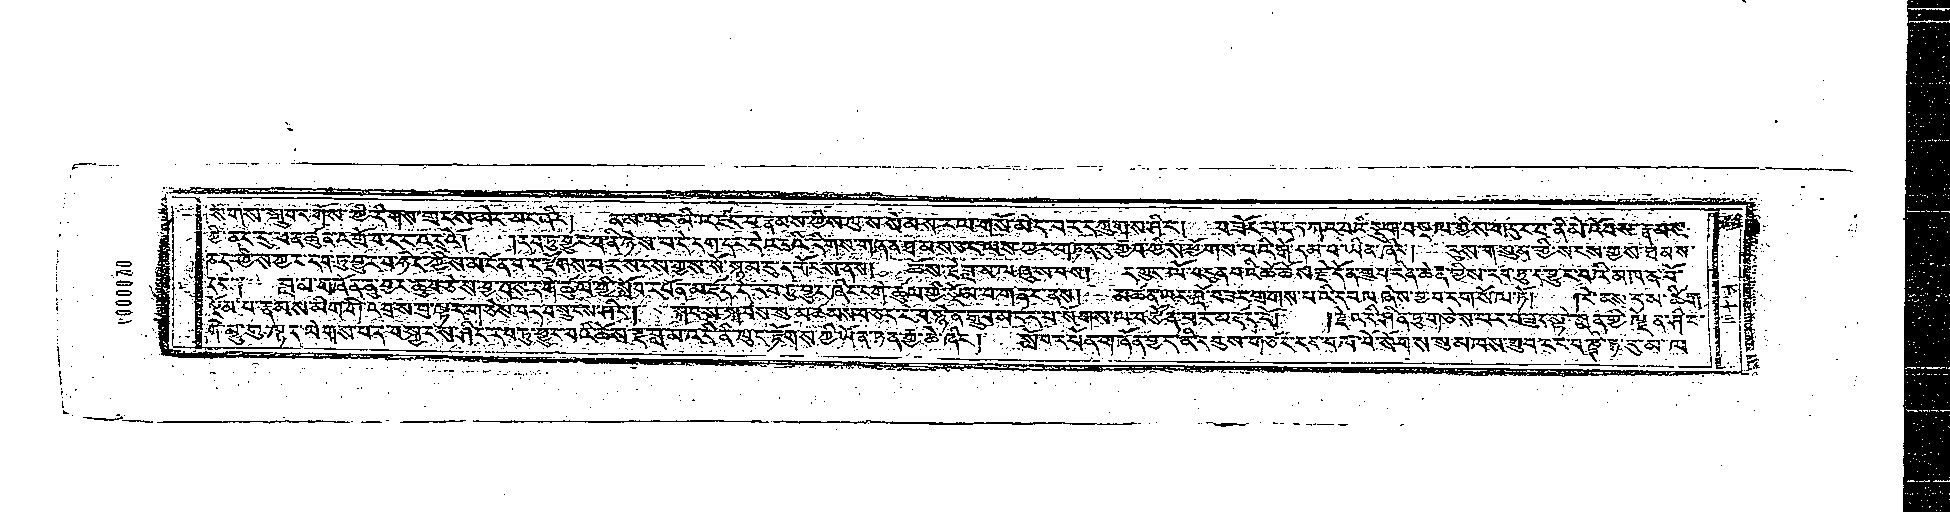སོགས་སྒྲུབ་དགས་ཀྱི་རིགས་གྲངས་མེད་མང་ཞིང་། ནམ་ཡང་མི་འཛང་པ་རྣམས་ཀྱིས་ལུས་སེམས་ངལ་གསོ་མེད་པར་དཀྲུགས་ཤིང་། བཟོད་པར་དཀའ་བའི་སྡུག་བསྔལ་གྱིས་གདུང་བ་ནི་མེ་འོངས་རྣམས་
ཀྱི་ནང་དུ་ཕན་ཚུན་འགྲོ་བ་དང་འདྲའོ། །རབ་ཏུ་བྱུ་བབ་ནི་ཉེས་བ་བདག་དང་དེ་འདྲའི་རིགས་གཞན་ཐམས་ཅད་ལས་ཀྱང་གཏན་དུ་རྒྱབ་ཀྱིས་ཕྱོགས་པའི་སྒོ་དམ་པ་ཡིན་ཞིང་། དུས་གསུམ་གྱི་སངས་རྒྱས་ཐམས་
ཅད་ཀྱིས་ཀྱང་རབ་ཏུ་བྱུང་བ་ཉིད་ཀྱིས་མངོན་བར་རྫོགས་པར་སངས་རྒྱས་སོ་སྙམ་དུ་དགོངས་ནས། ཆོས་རྗེ་བླ་མ་ལ་ཞུས་བས། དགུང་ལོ་བདུན་པའི་ཚེ་ཆོས་རྗེ་དོན་གྲུབ་རིན་ཆེན་གྱིས་རབ་ཏུ་དབྱུང་བའི་མཁན་བོ་
དང༑ བླ་མ་གཞོན་ནུ་བྱང་ཆུབ་ཅེས་བྱ་བས་དགེ་ཚུལ་གྱི་སློབ་དཔོན་མཛད་དེ་རབ་ཏུ་བྱུང་ཞིང་དགེ་ཚུལ་གྱི་སྡོམ་པ་གནང་ནས། མཚན་ཡང་བློ་བཟང་གྲགས་པའི་དཔལ་ཞེས་བྱ་བད་གསོལ་ཏོ། །དེ་ནས་དམ་ཚིག་
སྡོམ་པ་རྣམས་མིག་གི་འབྲས་བུ་ལྟར་གཅེས་བར་བསྲུངས་ཤིང་། སྐབས་སྐབས་སུ་མཚམས་བཅད་དེ་བསྙེན་སྒྲུབ་མཛད་པ་སོགས་ལ་བརྩོན་བར་མཛད་དོ། །རྗེ་འདི་ཤིན་ཏུ་གཅེས་པར་བཟུང་སྟེ་སྨན་གྱི་ལྗོན་ཤིང་
གི་མྱུ་གུ་ལྟར་ལེགས་པར་བསྐྱངས་ཤིང་རབ་ཏུ་བྱུང་བའི་ཆོས་རྗེ་བླ་མ་འདི་ནི་ལུང་རྟོགས་ཀྱི་ཡོན་ཏན་རྒྱ་ཆེ་ཞིང་། སློབ་དཔོན་གནོན་བྱད་ནི་དབུས་གཙང་དང་བལ་པོ་སོགས་སུ་མཁས་གྲུབ་དང་པཎྜི་ཏ་དུ་མ་ལ་